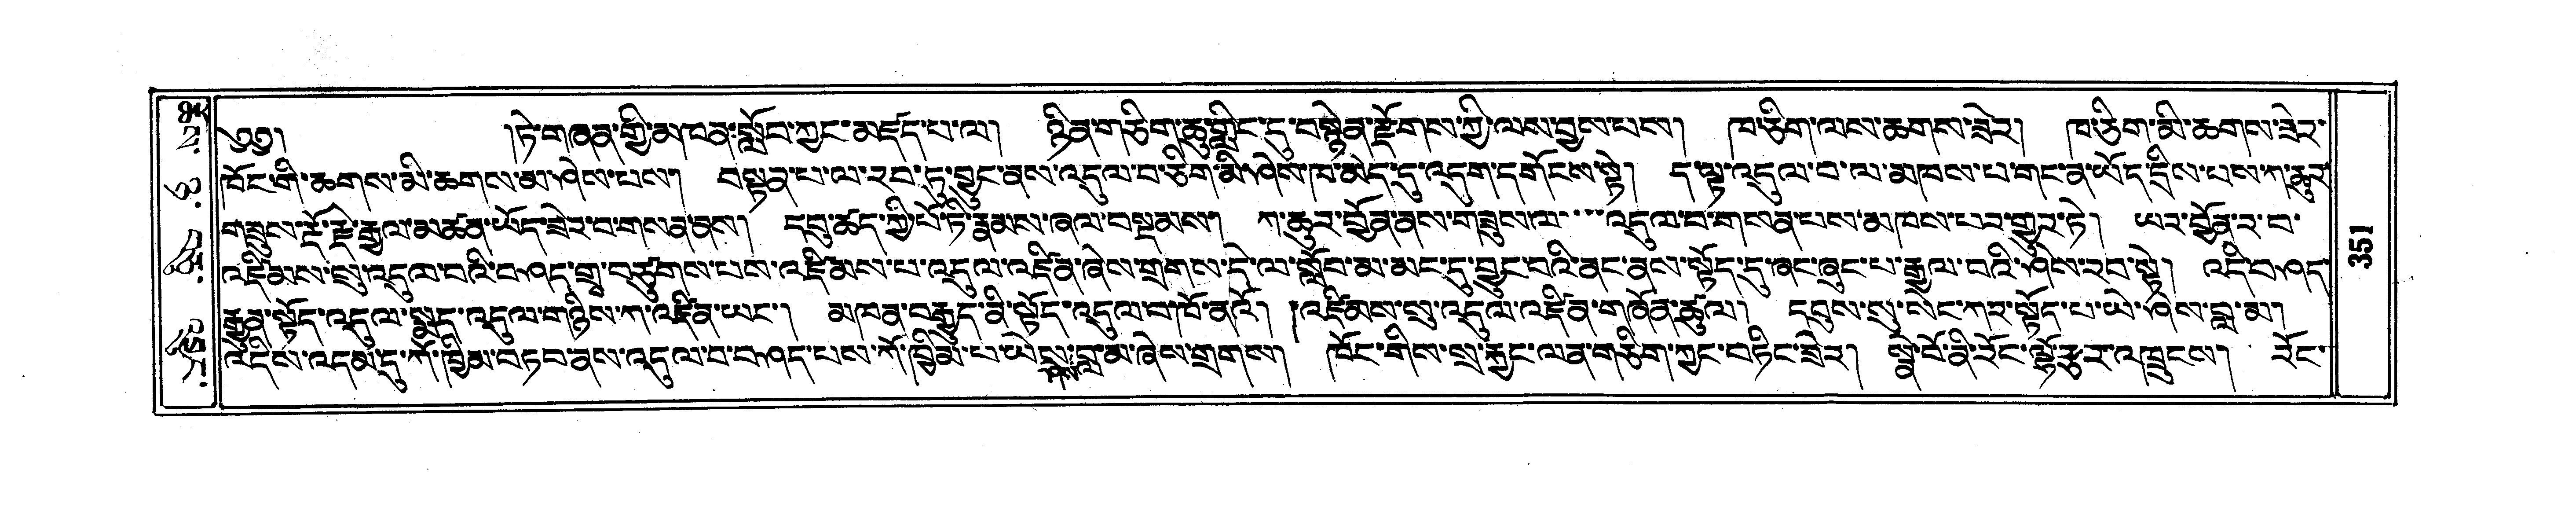༄༅། །ཏེ་གཞན་གྱི་མཁན་སློབ་ཀྱང་མཛད་པ་ལ། ཉིན་གཅིག་ཆུ་གླིང་དུ་བསྙེན་རྫོགས་ཀྱི་ལས་བྱས་པས། ཁ་ཅིག་ལས་ཆགས་ཟེར། ཁ་ཅིག་མི་ཆགས་ཟེར་
ཁོང་གི་ཆགས་མི་ཆགས་མ་ཤེས་པས། བསྟན་པ་ལ་རབ་ཏུ་བྱུང་ནས་འདུལ་བ་ཅིག་མི་ཤེས་ཁ་མེད་དུ་འདུག་དགོངས་སྟེ། ད་ལྟ་འདུལ་བ་ལ་མཁས་པ་གང་ན་ཡོད་དྲིས་པས་ཀ་ཆུར་
གཟུས་རྡོ་རྗེ་རྒྱལ་མཚན་ཡོད་ཟེར་བ་གསན་ནས། དབུ་ཚད་ཀྱི་པོ་ཏི་རྣམས་ཞལ་བསྡམས། ཀ་ཆུར་བྱོན་ནས་གཟུས་ལ་འདུལ་བ་གསན་པས་མཁས་པར་གྱུར་ཏེ། ཡར་བྱོན་ར་བ་
འཛིམས་སུ་འདུལ་བའི་བཤད་གྲྭ་བཙུགས་པས་འཛིམས་པ་འདུལ་འཛིན་ཞེས་གྲགས་དེ་ལ་སློབ་མ་མང་དུ་བྱུང་བའི་ནང་ནས་སྟོད་དུ་ཞང་ཞུང་པ་རྒྱལ་བའི་ཤེས་རབ་སྟེ། འདི་བཤད་
རྒྱུན་སྟོད་འདུལ་སྨད་འདུལ་གཉིས་ཀ་འཛིན་ཡང་། མཁན་བརྒྱུད་ནི་སྟོད་འདུལ་བ་ཁོ་ནའོ། །འཛིམས་སུ་འདུལ་འཛིན་གཞོན་ཚུལ། དབུས་སུ་སེང་ཀར་སྟོད་པ་ཡེ་ཤེས་བླ་མ།
འདིས་འདམ་དུ་ཀོ་ཁྱིམ་བཏབ་ནས་འདུལ་བ་བཤད་པས་ཀོ་ཁྱིམ་པ་ཡེས་ཤེས་བླ་མ་ཞེས་གྲགས། ཁོང་གིས་སྲ་རྐྱང་ལན་གཅིག་ཀྱང་བཏིང་ཟེར། སྣེ་བོ་ནི་རོང་ལྷོ་རྩར་འཁྲུངས། རོང་